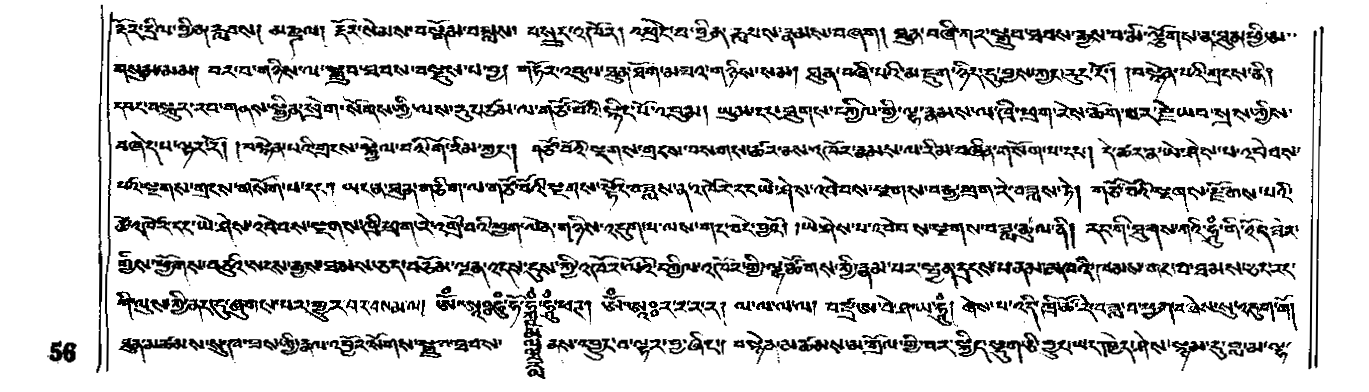རྡོར་དྲིལ་བྱིན་རླབས། མཎྜལ། རྡོར་སེམས་བསྒོམ་བཟླས། བསྲུང་འཁོར། འཕྲེང་བ་བྱིན་རླབས་རྣམས་བཞག། ཐུན་བཞི་ཀར་སྒྲུབ་ཐབས་རྒྱས་པ་མི་ལྕོགས་ན་ཐུན་ཕྱི་མ་
གསུམ་མམ། བར་བ་གཉིས་ལ་སྒྲུབ་ཐབས་བསྡུས་པ་བྱ། གཏོར་འབུལ་ཐུན་ཐོག་མཐའ་གཉིས་སམ། ཐུན་བཞི་པའི་མཇུག་ཉིད་དུ་བྱས་ཀྱང་རུང་ངོ། །བསྙེན་པའི་གྲངས་ནི།
དབང་བསྐུར་རབ་གནས་སྦྱིན་སྲེག་སོགས་ཀྱི་ལས་རུང་ཙམ་ལ་གཙོ་བོའི་སྙིང་པོ་འབུམ། ཡུམ་དང་ཐུགས་དཀྱིལ་གྱི་ལྷ་རྣམས་ལ་ཁྲི་ཕྲག་རེས་ཆོག་པར་རྗེ་ཡབ་སྲས་ཀྱིས་
བཞེད་པ་ལྟར་རོ། །བསྙེན་པའི་གྲངས་སྐྱེལ་བའི་གོ་རིམ་ཀྱང་། གཙོ་བོའི་སྔགས་གྲངས་བསགས་ཚར་ནས་འཁོར་རྣམས་ལ་རིམ་བཞིན་གསོག་པ་དང་། དེ་ཚར་ན་ཡེ་ཤེས་པ་འབེབས་
པའི་སྔགས་གྲངས་གསོག་པ་དང་། ཡང་ན་ཐུན་གཅིག་ལ་གཙོ་བོའི་སྔགས་སྟོང་བཟླས་ན་འཁོར་རང་ཡེ་ཤེས་འབེབས་སྔགས་བརྒྱ་ཕྲག་རེ་བཟླས་ཏེ། གཙོ་བོའི་སྔགས་རྫོགས་པའི་
ཚེ་འཁོར་དང་ཡེ་ཤེས་འབེབས་སྔགས་ཁྲི་ཕྲག་རེ་འགྲོ་བའི་ཕྱག་ལེན་གཉིས་འདུག་པ་ལས་གང་བདེ་བྱའོ། །ཡེ་ཤེས་པ་འབེབས་སྔགས་བཟླ་ཚུལ་ནི། རང་གི་ཐུགས་ཀའི་ཧཱུཾ་གི་འོད་ཟེར་
གྱིས་ཕྱོགས་བཅུའི་སངས་རྒྱས་ཐམས་ཅད་བཅོམ་ལྡན་འདས་དུས་ཀྱི་འཁོར་ལོའི་དཀྱིལ་འཁོར་གྱི་ལྷ་ཚོགས་ཀྱི་རྣམ་པར་སྤྱན་དྲངས་པ་ནམ་མཁའི་ཁམས་གང་བ་ཐམས་ཅད་རང་
གི་ལུས་ཀྱི་ནང་དུ་ཞུགས་པར་གྱུར་བར་བསམ་ལ། ཨོཾ་ཨཱཿ ཧུཾ་ཧོ་ཧྐྴྨླྭྲྱཾ་ཧཱུཾ་ཕཊ། ཨོཾ་ཨཱཿ ར་ར་ར་ར། ལ་ལ་ལ་ལ། བཛྲ་ཨ་བེ་ཤ་ཡ་ཧཱུཾ། ཞེས་པ་འདི་ཁྲི་ཚོ་རེ་བཟླ་བ་ཕྱག་བཞེས་སུ་འདུག་གོ།
ཐུན་མཚམས་སུ་ཁ་ཟས་ཀྱི་རྣལ་འབྱོར་སོགས་སྒྲུབ་ཐབས་ནས་འབྱུང་བ་ལྟར་བྱ་ཞིང་། བསྙེན་མཚམས་མ་གྲོལ་གྱི་བར་སྐྱིད་སྡུག་ཅི་བྱུང་ཡང་ཁྱེད་ཤེས་སྙམ་དུ་བླ་མ་ལྷ་